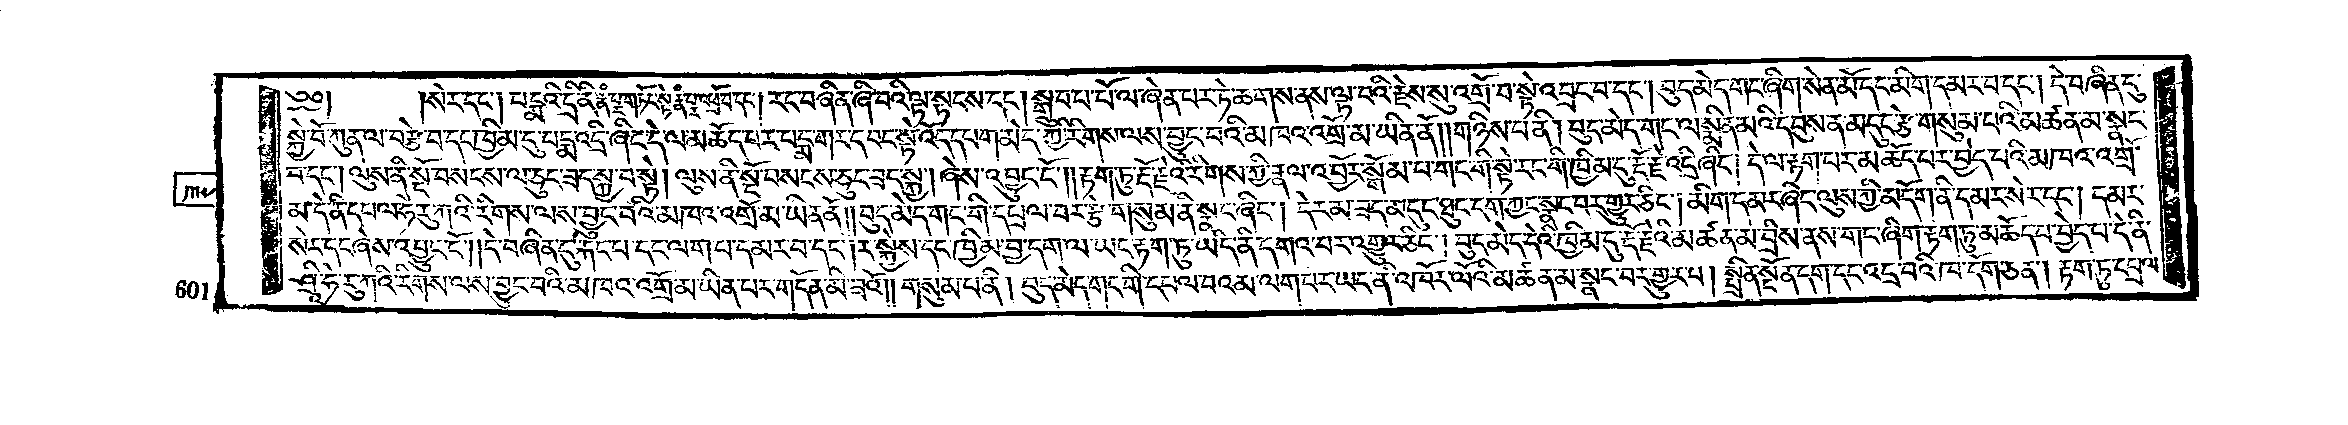༄༅། །སེར་དང་། པདམའི་དྲི་ནི་རྣམ་པར་གཏོང་སྟེ་རྣམ་པར་འཕྲོ་བ་དང་། རང་བཞིན་ཞི་བའི་ལྟ་སྟངས་དང་། སྒྲུབ་པ་པོ་ལ་ཞེན་པར་ཏེ་ཆགས་ནས་ལྟ་བའི་རྗེས་སུ་འགྲོ་བ་སྟེ་འབྲང་བ་དང་། བུད་མེད་གང་ཞིག་སེན་མོ་དང་མིག་དམར་བ་དང་། དེ་བཞིན་དུ་
སྐྱེ་བོ་ཀུན་ལ་བརྩེ་བ་དང་ཁྱིམ་དུ་པདམ་འདྲི་ཞིང་དེ་ལ་མཆོད་པར་པདམ་གར་དབང་སྟེ་འོད་དཔག་མེད་ཀྱི་རིགས་ལས་བྱུང་བའི་མཁའ་འགྲོ་མ་ཡིན་ནོ། །གཉིས་པ་ནི། བུད་མེད་གང་ལ་སྨིན་མའི་དབུས་ན་མདུང་རྩེ་གསུམ་པའི་མཚན་མ་སྣང་
བ་དང་། ལུས་ནི་སྔོ་བསངས་ལ་ཅུང་ཟད་སྐྱ་བ་སྟེ། ལུས་ནི་སྔོ་བསངས་ཅུང་ཟད་སྐྱ། ཞེས་འབྱུང་ངོ། །རྟག་ཏུ་རྡོ་རྗེའི་རིགས་ཀྱི་རྣལ་འབྱོར་སྒོམ་པ་གང་གི་སྟེ་རང་གི་ཁྱིམ་དུ་རྡོ་རྗེ་འདྲི་ཞིང་། དེ་ལ་རྟག་པར་མཆོད་པར་བྱེད་པའི་མཁའ་འགྲོ་
མ་དེ་ནི་དཔལ་ཧེ་རུ་ཀའི་རིགས་ལས་བྱུང་བའི་མཁའ་འགྲོ་མ་ཡིན་ནོ། །བུད་མེད་གང་གི་དཔྲལ་བར་རྩེ་གསུམ་ནི་སྣང་ཞིང་། དེར་མ་ཟད་མདུང་ཐུང་དག་ཀྱང་སྣང་བར་གྱུར་ཅིང་། མིག་དམར་ཞིང་ལུས་ཀྱི་མདོག་ནི་དམར་སེར་དང་། དམར་
སེར་དང་ཞེས་འབྱུང་ངོ། །དེ་བཞིན་དུ་རྐང་པ་དང་ལག་པ་དམར་བ་དང་། ར་སྐྱེས་དང་ཁྱིམ་བྱ་དག་ལ་ཡང་རྟག་ཏུ་ཡིད་ནི་དགའ་བར་འགྱུར་ཅིང་། བུད་མེད་དེའི་ཁྱིམ་དུ་རྡོ་རྗེའི་མཚན་མ་བྲིས་ནས་གང་ཞིག་རྟག་ཏུ་མཆོད་པ་བྱེད་པ་དེ་ནི་
ཤྲཱི་ཧེ་རུ་ཀའི་རིགས་ལས་བྱུང་བའི་མཁའ་འགྲོ་མ་ཡིན་པར་གདོན་མི་ཟའོ། །གསུམ་པ་ནི། བུད་མེད་གང་གི་དཔྲལ་བའམ་ལག་པར་ཡང་ནི་འཁོར་ལོའི་མཚན་མ་སྣང་བར་གྱུར་པ། སྤྲིན་སྔོན་དག་དང་འདྲ་བའི་ཁ་དོག་ཅན། རྟག་ཏུ་དཔྲལ་